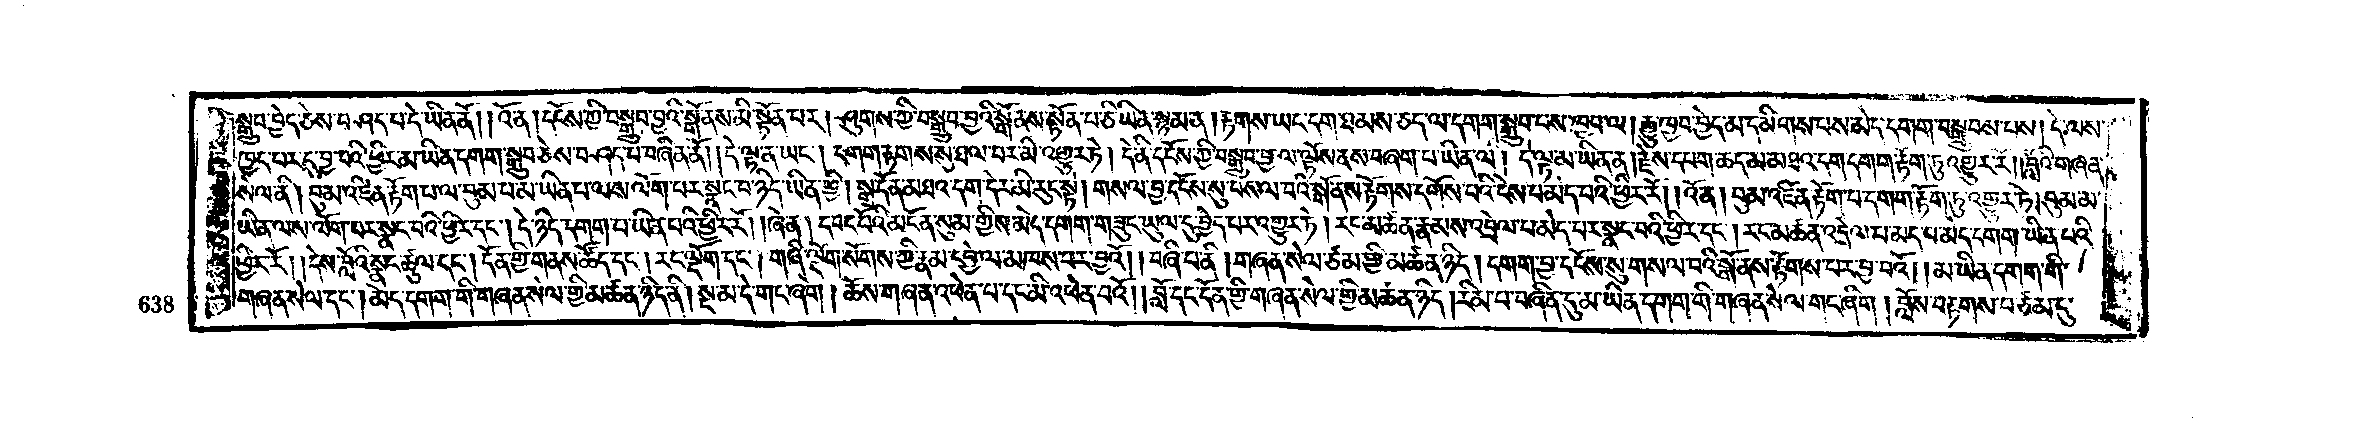སྒྲུབ་བྱེད་ཅེས་བཤད་པ་དེ་ཡིན་ནོ། །འོ་ན། དངོས་ཀྱི་བསྒྲུབ་བྱའི་སྒོ་ནས་མི་སྟོན་པར། ཤུགས་ཀྱི་བསྒྲུབ་བྱའི་སྒོ་ནས་སྟོན་པ་ཅི་ཡིན་སྙམ་ན། རྟགས་ཡང་དག་ཐམས་ཅད་ལ་དགག་སྒུབས་པས་ཁྱབ་ལ། རྒྱུ་ཁྱབ་བྱེད་མ་དམིགས་པས་མེད་དགག་བསྒྲུབས་པས། དེ་ལས་
ཁྱད་པར་དུ་བྱའི་ཕྱིར་མ་ཡིན་དགག་སྒྲུབ་ཅེས་བཤད་པ་བཞིན་ནོ། །དེ་ལྟ་ན་ཡང་། དགག་རྟགས་སུ་ཐལ་བར་མི་འགྱུར་ཏེ། དེ་ནི་དངོས་ཀྱི་བསྒྲུབ་བྱ་ལ་ལྟོས་ནས་བཞག་པ་ཡིན་ལ། དེ་ལྟ་མ་ཡིན་ན། རྗེས་དཔག་ཚད་མ་མཐའ་དག་དགག་རྟོག་ཏུ་འགྱུར་ཏོ། །བློའི་གཞན་
སེལ་ནི། བུམ་འཛིན་རྟོག་པ་ལ་བུམ་པ་མ་ཡིན་པ་ལས་ལོག་པར་སྣང་བ་ཉིད་ཡིན་གྱི། སྒྲ་དོན་མཐའ་དག་དེར་མི་རུང་སྟེ། གསལ་བྱ་དངོས་སུ་བསལ་བའི་སྒོ་ནས་རྟོགས་དགོས་པའི་ངེས་པ་མེད་པའི་ཕྱིར་རོ། །འོ་ན། བུམ་འཛིན་རྟོག་པ་དགག་རྟོག་ཏུ་འགྱུར་ཏེ། བུམ་མ་
ཡིན་ལས་ལོག་པར་སྣང་བའི་ཕྱིར་དང་། དེ་ཉིད་དགག་པ་ཡིན་པའི་ཕྱིར་རོ། །ཞེ་ན། དབང་པོའི་མངོན་སུམ་གྱིས་མེད་དགག་གཟུང་ཡུལ་དུ་བྱེད་པར་འགྱུར་ཏེ། རང་མཚན་རྣམ་འབྲེལ་པ་མེད་པར་སྣང་བའི་ཕྱིར་དང་། རང་མཚན་འདྲེལ་བ་མེད་པ་མེད་དགག་ཡིན་པའི་
ཕྱིར་རོ། །དེས་བློའི་སྣང་ཚུལ་དང་། དོན་གྱི་གནས་ཚོད་དང་། རང་ལྡོག་དང་། གཞི་ལྡོག་སོགས་ཀྱི་རྣམ་དབྱེ་ལ་མཁས་པར་བྱའོ། །བཞི་པ་ནི། གཞན་སེལ་ཙམ་གྱི་མཚན་ཉིད། དགག་བྱ་དངོས་སུ་གསལ་བའི་སྒོ་ནས་རྟོགས་པར་བྱ་བའོ། །མ་ཡིན་དགག་གི་
གཞན་སེལ་དང་། མེད་དགག་གི་གཞན་སེལ་གྱི་མཚན་ཉིད་ནི། སྔ་མ་དེ་གང་ཞིག །ཆོས་གཞན་འཕེན་པ་དང་མི་འཕེན་པའོ། །བློ་དང་དོན་གྱི་གཞན་སེལ་གྱི་མཚན་ཉིད། རིམ་པ་བཞིན་དུ་མ་ཡིན་དགག་གི་གཞན་སེལ་གང་ཞིག །བློས་བརྟགས་པ་ཙམ་དུ་